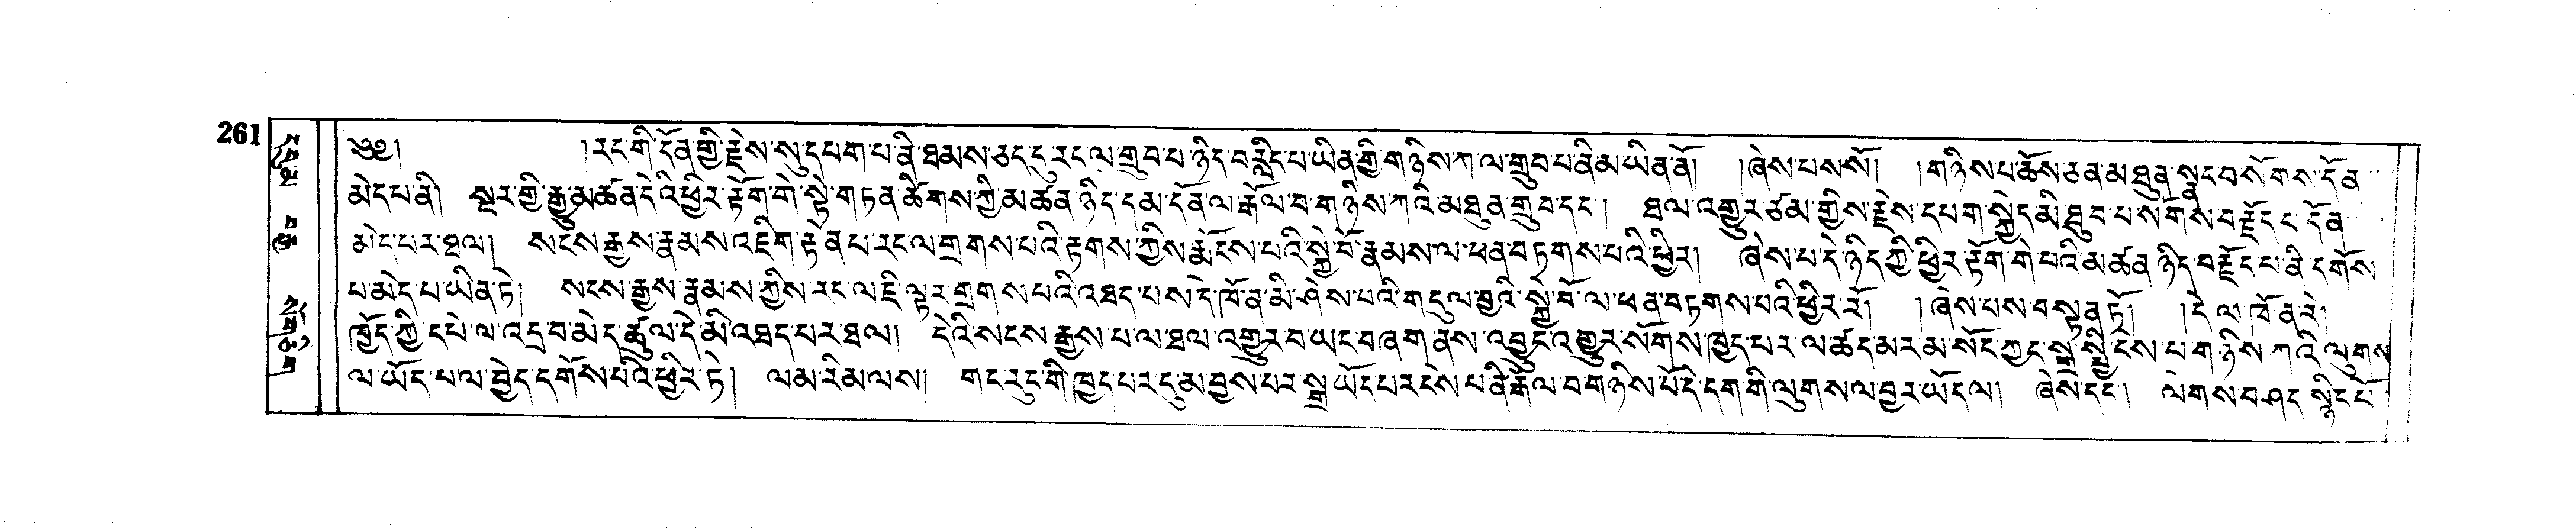༄༅། །རང་གི་དོན་གྱི་རྗེས་སུ་དཔག་པ་ནི་ཐམས་ཅད་དུ་རང་ལ་གྲུབ་པ་ཉིད་བརླིང་པ་ཡིན་གྱི་གཉིས་ཀ་ལ་གྲུབ་པ་ནི་མ་ཡིན་ནོ། །ཞེས་པས་སོ། །གཉིས་པ་ཆོས་ཅན་མཐུན་སྣང་བ་སོགས་དོན་
མེད་པ་ནི། སྔར་གྱི་རྒྱུ་མཚན་དེའི་ཕྱིར་རྟོག་གེ་སྟེ་གཏན་ཚིགས་ཀྱི་མཚན་ཉིད་དམ་དོན་ལ་རྒོལ་བ་གཉིས་ཀའི་མཐུན་གྲུབ་དང་། ཐལ་འགྱུར་ཙམ་གྱིས་རྗེས་དཔག་སྐྱེད་མི་ཐུབ་པ་སོགས་བརྗོད་པ་དོན་
མེད་པར་ཐལ། སངས་རྒྱས་རྣམས་འཇིག་རྟེན་པ་རང་ལ་གྲགས་པའི་རྟགས་ཀྱིས་རྨོངས་པའི་སྐྱེ་བོ་རྣམས་ལ་ཕན་བཏགས་པའི་ཕྱིར། ཞེས་པ་དེ་ཉིད་ཀྱི་ཕྱིར་རྟོག་གེ་པའི་མཚན་ཉིད་བརྗོད་པ་ནི་དགོས་
པ་མེད་པ་ཡིན་ཏེ། སངས་རྒྱས་རྣམས་ཀྱིས་རང་ལ་ཇི་ལྟར་གྲགས་པའི་འཐད་པས་དེ་ཁོ་ན་མི་ཤེས་པའི་གདུལ་བྱའི་སྐྱེ་བོ་ལ་ཕན་བཏགས་པའི་ཕྱིར་རོ། །ཞེས་པས་བསྟན་ཏོ། །དེ་ལ་ཁོ་ན་རེ།
ཁྱོད་ཀྱི་དཔེ་ལ་འདྲ་བ་མེད་ཚུལ་དེ་མི་འཐད་པར་ཐལ། དེའི་སངས་རྒྱས་པ་ལ་ཐལ་འགྱུར་པ་ཡང་བཞག་ནས་འབྱུང་འགྱུར་སོགས་ཁྱད་པར་ལ་ཚད་མར་མ་སོང་ཀྱང་སྒྲ་སྤྱི་ངེས་པ་གཉིས་ཀའི་ལུགས་
ལ་ཡོད་པ་ལ་བྱེད་དགོས་པའི་ཕྱིར་ཏེ། ལམ་རིམ་ལས། གང་རུང་གི་ཁྱད་པར་དུ་མ་བྱས་པར་སྒྲ་ཡོད་པར་ངེས་པ་ནི་རྒོལ་བ་གཉིས་པོ་དེ་དག་གི་ལུགས་ལ་བྱར་ཡོད་ལ། ཞེས་དང་། ལེགས་བཤད་སྙིང་པོ་